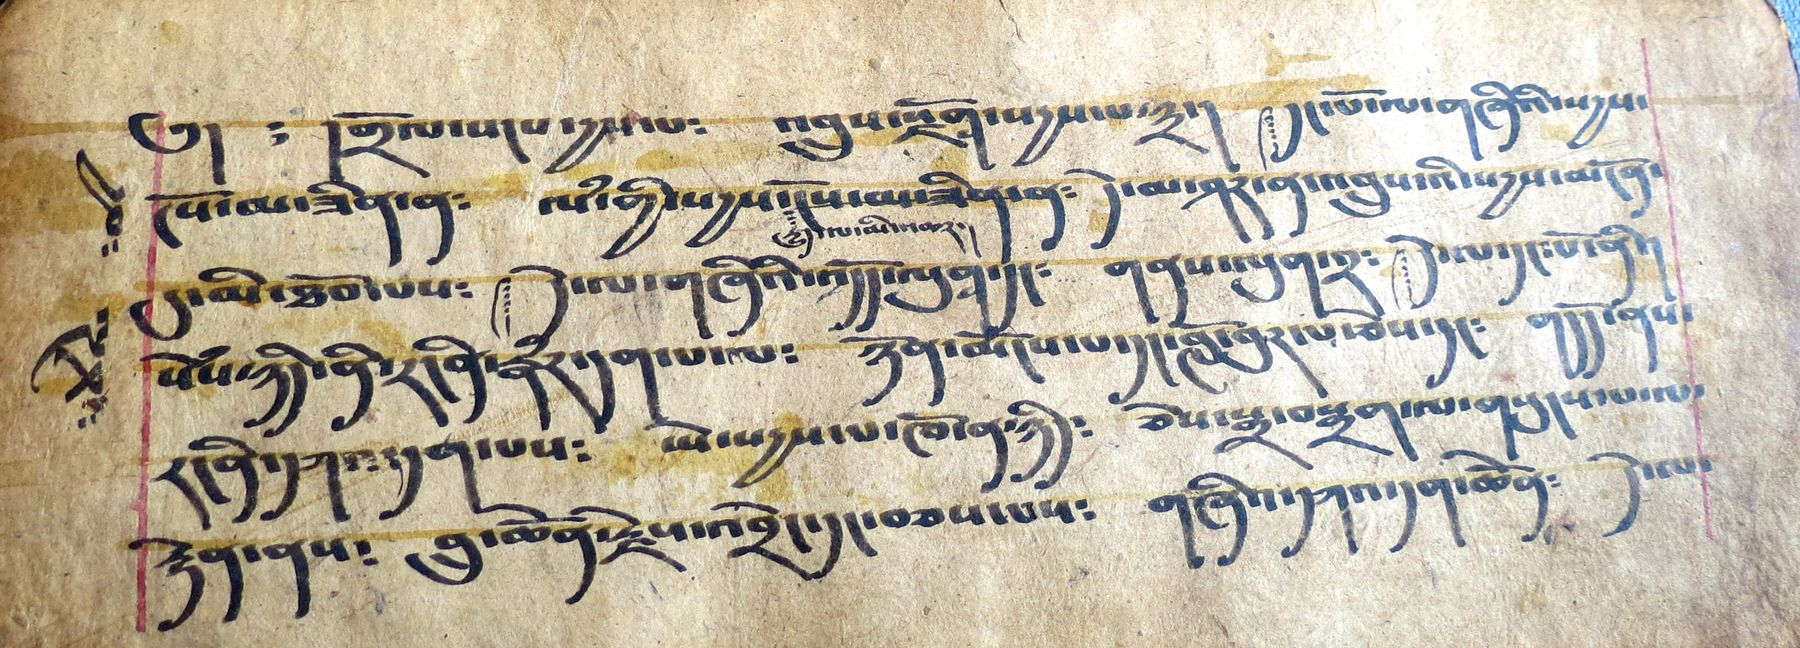གྲོལ་སངས་རྒྱས་པ། འབྲས་བུ་རྫོགས་སངས་རྒྱས་པ་གསུམ། དང་པོ་ལ་གཞིའི་སངས་རྒྱས་
ངོས་མ་ཟིན་ན། ལམ་གྱི་སངས་རྒྱས་རྒྱུད་ལ་མི་འཆར། དེ་མ་ཤར་ན་འབྲས་བུའི་སངས་རྒྱས་མངོན་
དུ་མི་ཐོབ་པས། དེ་ལ་གཞིའི་འདོད་ལུགས་དང་གནས་ལུགས་གཉིས། དེ་ལ་དང་པོ་ནི། 
སེམས་ཉིད་རང་བཞིན་གྱིས་རྣམ་པར་དག་པ་ལ། ཉོན་མོངས་པ་དང་སྒྲིབ་པ་གློ་བུར་བ་ཞེས་དང་། གདོད་ནས་
རང་བཞིན་ཀ་དག་པས། ཡེ་སངས་རྒྱས་པ་ཁོ་ན་ཉིད། ཅེས་སྒྲ་བསྒྲགས་ལས་གསུངས་པ་ལ་
བརྟེན་ནས་བྲུ་ཆེན་པོ་རྗེས་འབྲེང་དང་བཅས་པས། གཞི་ཀ་དག་ཆེན་པོ། དེ་ལ་